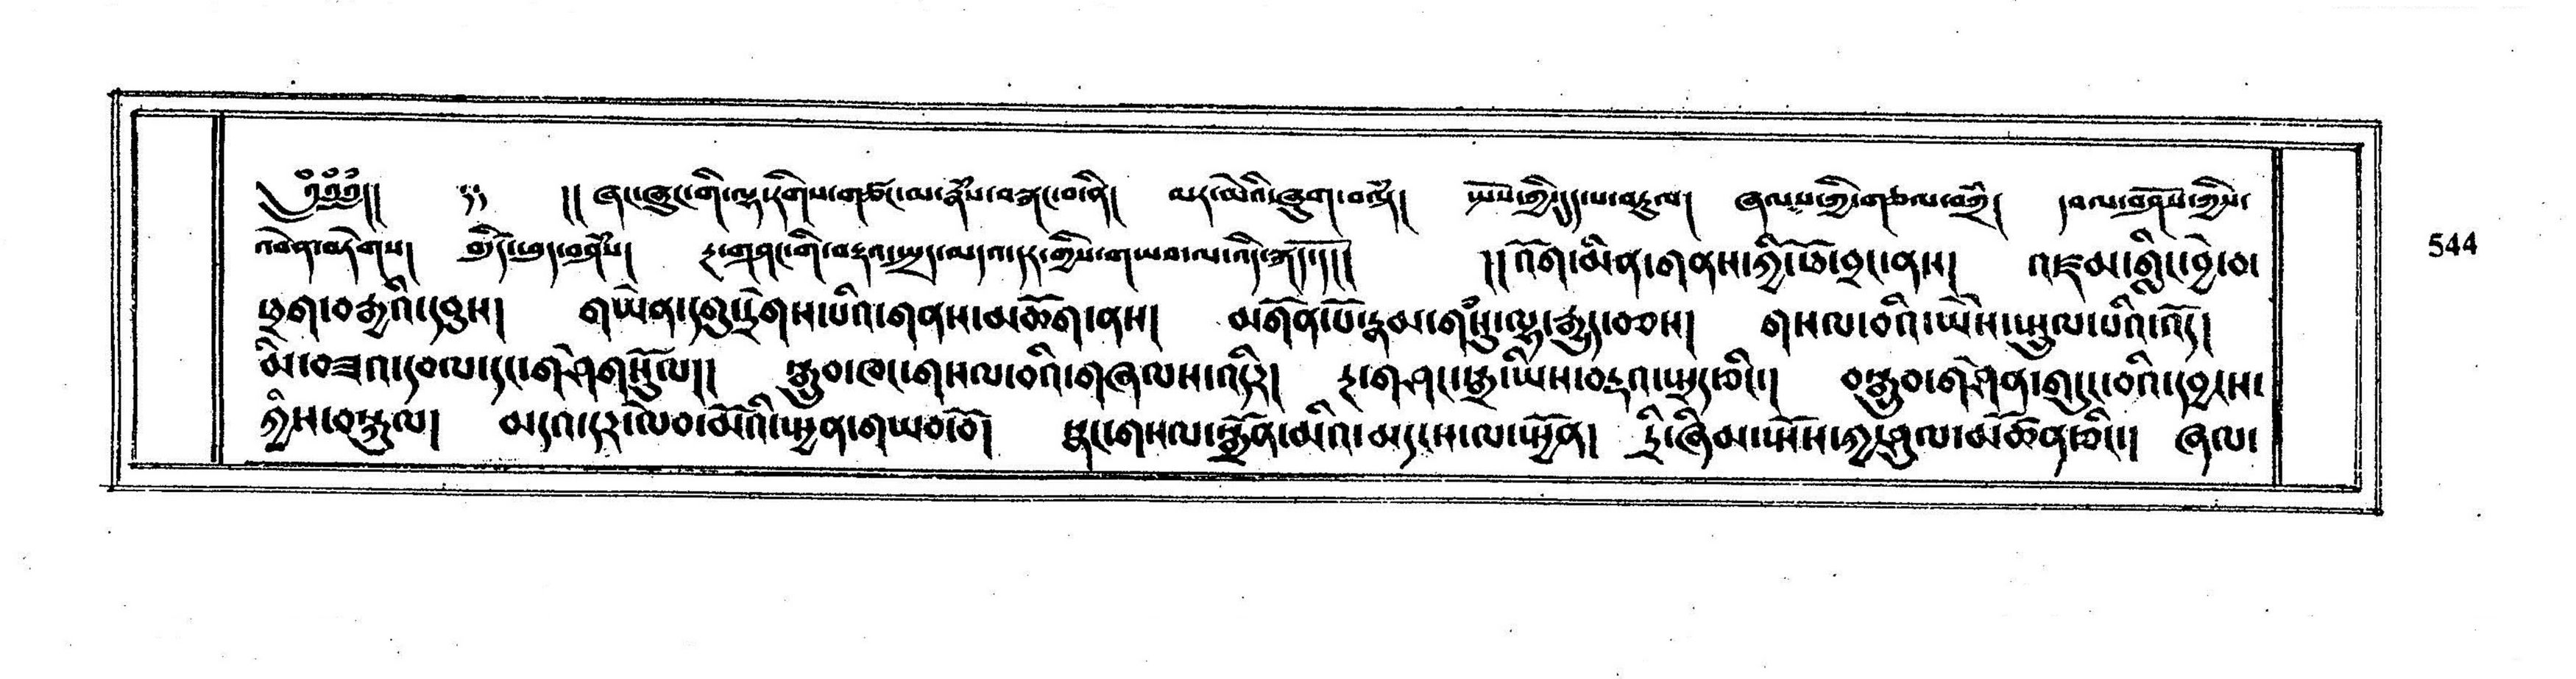༄༅༅།། །།ཞང་ཞུང་གི་ལྷ་རིགས་གཙང་མ་རྣམས་བསྐང་བ་ནི། མར་མེའི་ཞུགས་བལྟམས། སྤོས་ཀྱི་དུད་པ་བཏུལ། ཞལ་ཟས་ཀྱི་གཅལ་བཀྲམ། དབལ་བཤོས་ཀྱི་
འབེན་བཏེགས། བདུད་རྩི་ཕུད་བཤམས། རྔ་གཤང་གི་བརྡའ་སྤྲད་མདའ་དར་གྱིས་གཡབ་ལ་འདི་སྐད་དོ།། །།འོག་མིན་གནས་ཀྱི་ཕོ་བྲང་ནས། འཛམ་གླིང་བྱེ་བ་
ཕྲག་བརྒྱའི་དབུས། གཡེན་དགུ་དྲེགས་པའི་གནས་མཆོག་ནས། མགོན་པོ་རྣམ་གསུམ་ལྷ་རྒྱུད་བཅས། གསལ་བའི་ཡེ་ཤེས་སྤྲུལ་པའི་འོད། 
མི་བཟའ་དབལ་དང་གཤེགས་སུ་གསོལ།། སྒྲུབ་ཁང་གསལ་བའི་གཞལ་ཡས་འདིར། རྔ་གཤང་སྒྲ་ཡིས་བརྡའ་སྤྲད་ཅིང་། བསྒྲུབ་གཤེན་གདུང་བའི་དབྱངས་
ཀྱིས་བསྐུལ། མདའ་དར་ལེབ་མོའི་སྤྱན་གཡབ་བོ། སྣང་གསལ་སྒྲོན་མའི་མདངས་ལ་སྤྱོན། དྲི་ཞིམ་སྤོས་ཀྱི་ཤུལ་མཚོན་ཅིང་། ཞལ་